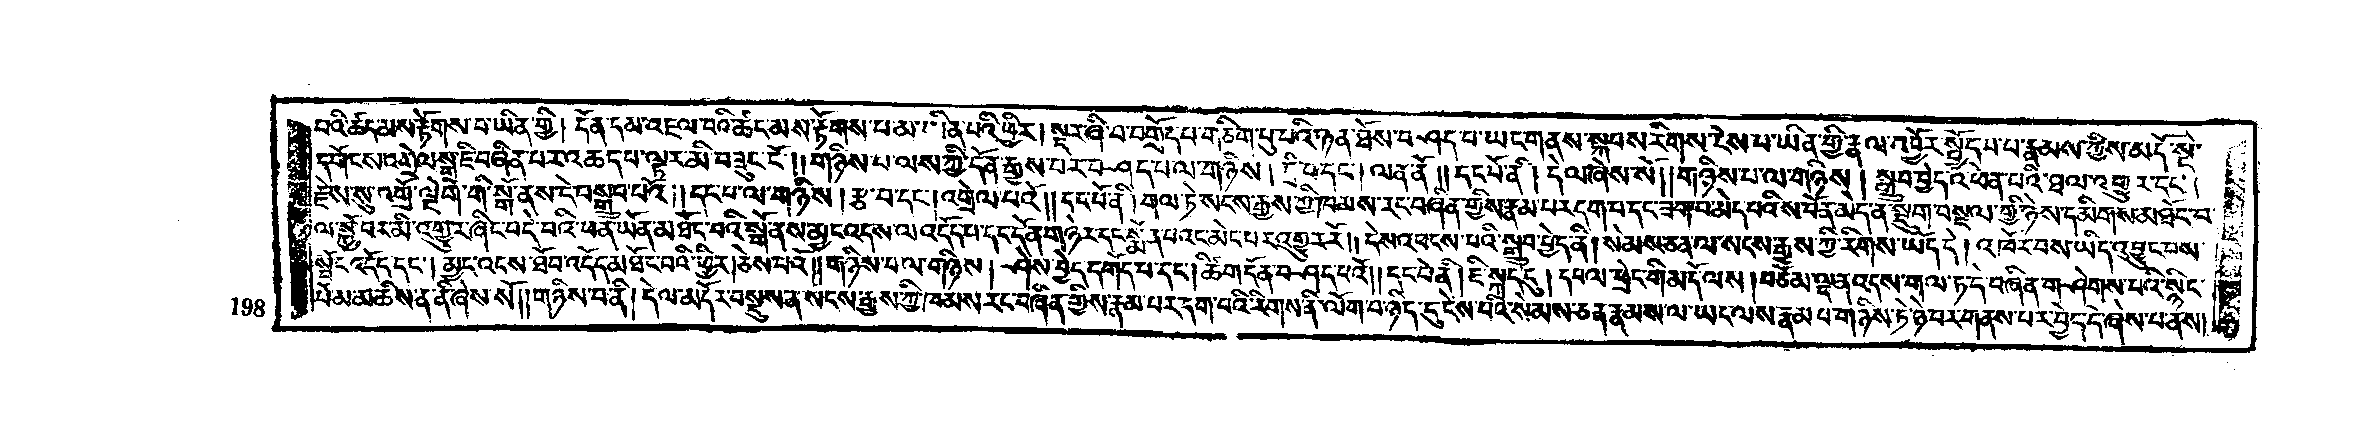བའི་ཚད་མས་རྟོགས་པ་ཡིན་གྱི་།དོན་དམ་འཇལ་བའི་ཚད་མས་རྟོགས་པ་མ་ཡིན་པའི་ཕྱིར། སྔར་ཞི་བ་བགྲོད་པ་གཅིག་པུ་པའི་ཉན་ཐོས་བཤད་པ་ཡང་གནས་སྐབས་རིགས་ངེས་པ་ཡིན་གྱི་རྣལ་འབྱོར་སྤྱོད་པ་བ་རྣམས་ཀྱིས་མདོ་སྡེ་
དགོངས་འགྲེལ་སྒྲ་ཇི་བཞིན་པར་འཆད་པ་ལྟར་མི་བཟུང་ངོ། །གཉིས་པ་ལས་ཀྱི་དོན་རྒྱས་པར་བཤད་པ་ལ་གཉིས། དྲི་བ་དང་། ལན་ནོ། །དང་པོ་ནི། དེ་ལ་ཞེས་སོ། །གཉིས་པ་ལ་གཉིས། སྒྲུབ་བྱེད་འཕེན་པའི་ཐལ་འགྱུར་དང་།
རྗེས་སུ་འགྲོ་ལྡོག་གི་སྒོ་ནས་དེ་བསྒྲུབ་པའོ། །དང་པོ་ལ་གཉིས། རྩ་བ་དང་། འགྲེལ་པའོ། །དང་པོ་ནི། གལ་ཏེ་སངས་རྒྱས་ཀྱི་ཁམས་རང་བཞིན་གྱིས་རྣམ་པར་དག་པ་དང་ཟག་པ་མེད་པའི་ས་བོན་མེད་ན་སྡུག་བསྔལ་གྱི་ཉེས་དམིགས་མཐོང་བ་
ལ་སྐྱོ་བར་མི་འགྱུར་ཞིང་བདེ་བའི་ཕན་ཡོན་མཐོང་བའི་སྒོ་ནས་མྱང་འདས་ལ་འདོད་པ་དང་དོན་གཉེར་དང་སྨོན་པའང་མེད་པར་འགྱུར་རོ། །དེས་འཕངས་པའི་སྒྲུབ་བྱེད་ནི། སེམས་ཅན་ལ་སངས་རྒྱས་ཀྱི་རིགས་ཡོད་དེ། འཁོར་བས་ཡིད་འབྱུང་བས་
སྦྱོང་འདོད་དང་། མྱང་འདས་ཐོབ་འདོད་མཐོང་བའི་ཕྱིར། ཅེས་པའོ། །གཉིས་པ་ལ་གཉིས། ཤེས་བྱེད་དགོད་པ་དང་། ཚིག་དོན་བཤད་པའོ། །དང་པོ་ནི། ཇི་སྐད་དུ། དཔལ་ཕྲེང་གི་མདོ་ལས། བཅོམ་ལྡན་འདས་གལ་ཏེ་དེ་བཞིན་གཤེགས་པའི་སྙིང་
པོ་མ་མཆིས་ན་ནི་ཞེས་སོ། །གཉིས་པ་ནི། དེ་ལ་མདོར་བསྡུས་ན་སངས་རྒྱས་ཀྱི་ཁམས་རང་བཞིན་གྱིས་རྣམ་པར་དག་པའི་རིགས་ནི་ལོག་པ་ཉིད་དུ་ངེས་པའི་སེམས་ཅན་རྣམས་ལ་ཡང་ལས་རྣམ་པ་གཉིས་ཏེ་ཉེ་བར་གནས་པར་བྱེད་དེ་ཞེས་པ་ནས།